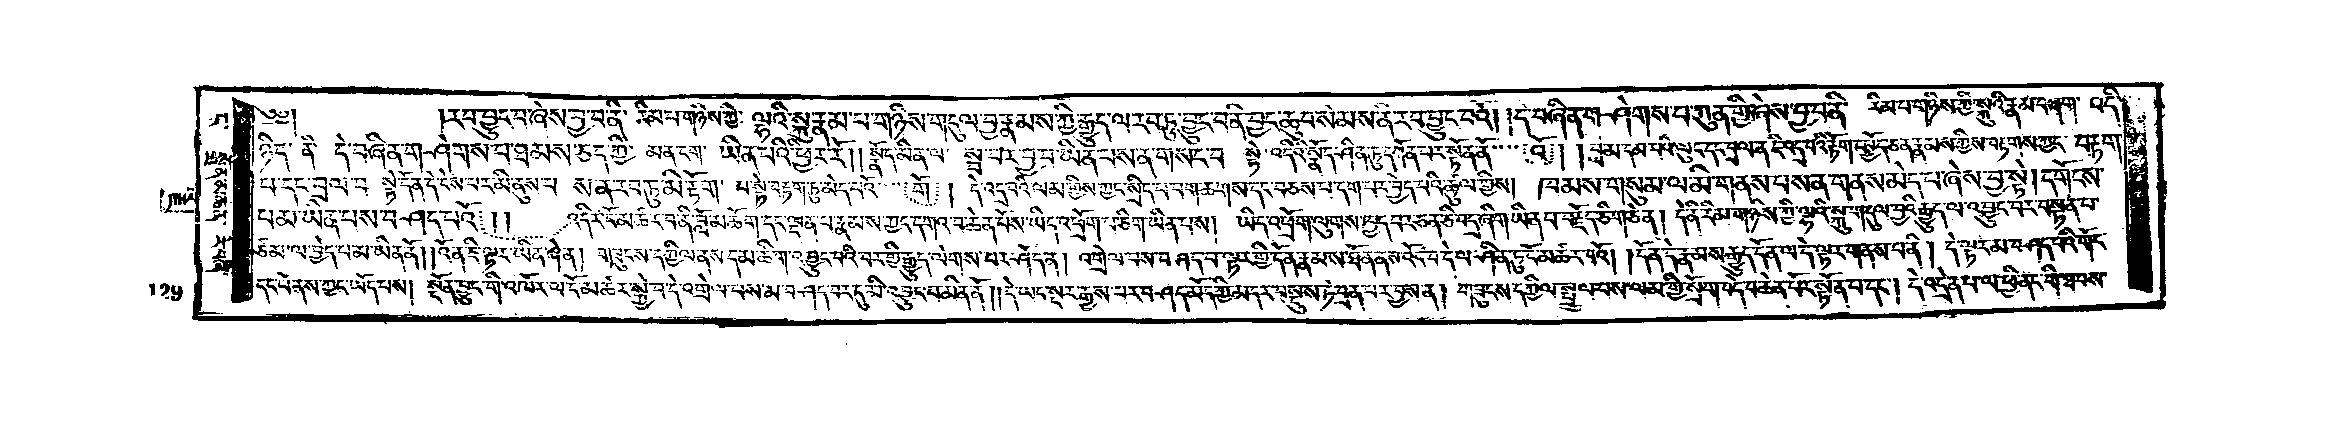༄༅། །རབ་བྱུང་བ་ཞེས་བྱ་བ་ནི་རིམ་པ་གཉིས་ཀྱི་ལྷའི་སྐུ་རྣམ་པ་གཉིས་གདུལ་བྱ་རྣམས་ཀྱི་རྒྱུད་ལ་རབ་ཏུ་བྱུང་བ་ནི་བྱང་ཆུབ་སེམས་ནི་རབ་བྱུང་བའོ། །དེ་བཞིན་གཤེགས་པ་ཀུན་གྱི་ཞེས་བྱ་བ་ནི་རིམ་པ་གཉིས་ཀྱི་སྐུའི་རྣམ་བཞག་འདི་
ཉིད་ནི་དེ་བཞིན་གཤེགས་པ་ཐམས་ཅད་ཀྱི་མན་ངག་ཡིན་པའི་ཕྱིར་རོ། །སྣོད་མིན་ལ་སྦ་བར་བྱ་བ་ཡིན་པས་ན་གསང་བ་སྟེ་འདིའི་སྣོད་ཤིན་ཏུ་དཀོན་པར་སྟོན་ནོ་འོ། །བླ་མ་དམ་པའི་ལུང་དང་བྲལ་ན་ཇི་འདྲ་བའི་རྟོག་དཔྱོད་ཅན་རྣམས་ཀྱིས་བརྟགས་ཀྱང་བརྟག་
པ་དང་བྲལ་བ་སྟེ་དོན་དེ་ངེས་པར་མི་ནུས་པས་ན་རབ་ཏུ་མི་རྟོག་པ་སྟེ་བརྟག་ཏུ་མེད་པའོ་གོ །དེ་འདྲ་བའི་ལམ་གྱིས་ཀྱང་སྲིད་པ་བག་ཆགས་དང་བཅས་པ་དག་པར་བྱེད་པའི་ཚུལ་གྱིས། ཁམས་གསུམ་ལ་མི་གནས་པས་ན་གནས་མེད་པ་ཞེས་བྱ་སྟེ། དགོངས་
པ་མ་ཡིན་པས་བཤད་པའོ།། འདིར་ངོ་མཚར་བ་ནི་བློ་མཆོག་དང་ལྡན་པ་རྣམས་ཀྱང་དགའ་བ་ཆེན་པོས་ཡིད་འཕྲོག་པ་ཅིག་ཡིན་པས། ཡིད་འཕྲོག་ལུགས་ཁྱད་པར་ཅན་ཅི་འདྲ་ཞིག་ཡིན་པ་བརྗོད་ཅིག་ཅེ་ན། དེ་ནི་རིམ་གཉིས་ཀྱི་ལྷའི་སྐུ་གདུལ་བྱའི་རྒྱུད་ལ་འབྱུང་བར་བསྟན་པ་
ཙམ་ལ་བྱེད་པ་མ་ཡིན་ནོ། །འོ་ན་ཇི་ལྟར་ཡིན་ཞེ་ན། གཟུངས་དཀྱིལ་ནས་དམ་ཚིག་འབྱུང་བའི་བར་གྱི་རྒྱུད་ལེགས་པར་ཤོད་ན། འགྲེལ་པས་བཤད་པ་ལྟར་གྱི་དོན་རྣམས་ཐོན་ནས་འོང་བ་དེ་ལ་ཤིན་ཏུ་ངོ་མཚར་བའོ། །དོན་དེ་རྣམས་རྒྱུད་དོན་ལ་དེ་ལྟར་གནས་པ་ནི། དེ་ལྟར་མ་བཤད་པའི་གོང་
དང་པོ་ནས་ཀྱང་ཡོད་པས། སྔོན་བྱུང་གི་འཁོར་ལ་ངོ་མཚར་སྐྱེ་བ་དེ་འགྲེལ་པས་མ་བཤད་པར་དུ་མི་འབྱུང་བ་མིན་ནོ། །དེ་ཡང་སྔར་རྒྱས་པར་བཤད་མོད་ཀྱི་མདོར་བསྡུས་ཏེ་བྲན་པར་བྱས་ན། གཟུངས་དཀྱིལ་སྤྲུལ་པས་ལམ་གྱི་སྲོག་བདེ་བ་ཆེན་པོར་སྟོན་པ་དང་། དེ་འདྲེན་པ་ལ་ཕྱི་ནང་གི་ཐབས་